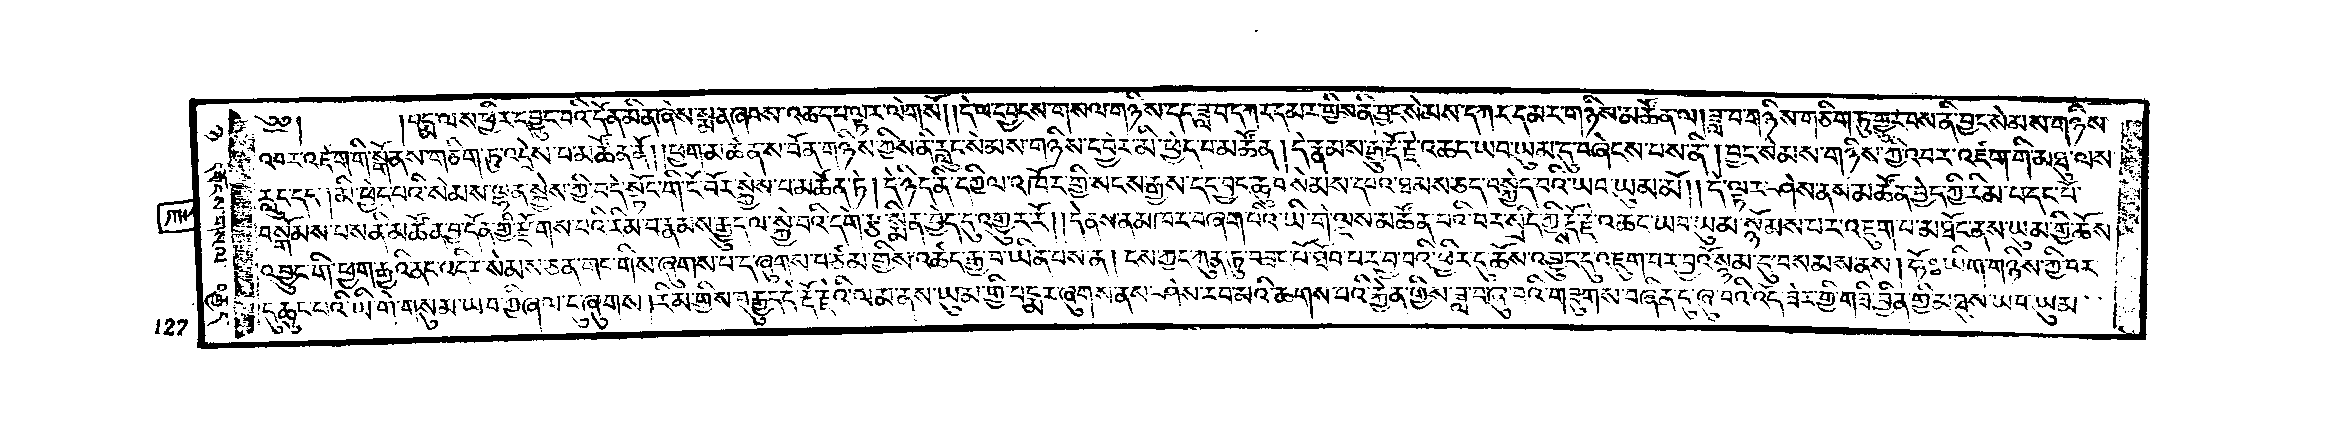༄༅། །པདམ་ལས་ཕྱིར་དབྱུང་བའི་དོན་མིན་ཞེས་སྨན་ཞབས་འཆད་པ་ལྟར་ལེགས་སོ། །དེ་ལ་དབྱངས་གསལ་གཉིས་དང་ཟླ་བ་དཀར་དམར་གྱིས་ནི་བྱང་སེམས་དཀར་དམར་གཉིས་མཚོན་ལ། ཟླ་བ་གཉིས་གཅིག་ཏུ་གྱུར་བས་ནི་བྱང་སེམས་གཉིས་
འབར་འཛག་གི་སྒོ་ནས་གཅིག་ཏུ་འདྲེས་པ་མཚོན་ནོ། །ཕྱག་མཚན་ས་བོན་གཉིས་ཀྱིས་ནི་རླུང་སེམས་གཉིས་དབྱེར་མི་ཕྱེད་པ་མཚོན། དེ་རྣམས་རྒྱུ་རྡོ་རྗེ་འཆང་ཡབ་ཡུམ་དུ་བཞེངས་པས་ནི། བྱང་སེམས་གཉིས་ཀྱི་འབར་འཇོག་གི་མཐུ་ལས་
རླུང་དང་། མི་ཕྱེད་པའི་སེམས་ལྷན་སྐྱེས་ཀྱི་བདེ་སྟོང་གི་ངོ་བོར་སྐྱེས་པ་མཚོན་ཏེ། དེ་ཉིད་ནི་དཀྱིལ་འཁོར་གྱི་སངས་རྒྱས་དང་བྱང་ཆུབ་སེམས་དཔའ་ཐམས་ཅད་བསྐྱེད་པའི་ཡབ་ཡུམ་མོ། །དེ་ལྟར་ཤེས་ནས་མཚོན་བྱེད་ཀྱི་རིམ་པ་དང་པོ་
བསྒོམས་པས་ནི་མཚོན་བྱ་དོན་གྱི་རྫོགས་པའི་རིམ་པ་རྣམས་རྒྱུད་ལ་སྐྱེ་བའི་དགེ་རྩ་སྨིན་བྱེད་དུ་འགྱུར་རོ། །ད་ནས་ནམ་མཁར་བཞག་པའི་ཡི་གེ་ལྔས་མཚོན་པའི་བར་སྲིད་ཀྱིས་རྡོ་རྗེ་འཆང་ཡབ་ཡུམ་སྙོམས་པར་འཇུག་པ་མཐོང་ནས་ཡུམ་གྱི་ཆོས་
འབྱུང་གི་ཕྱག་རྒྱའི་ནང་འདིར་སེམས་ཅན་གང་གིས་ཞུགས་པ་ད་ཞུགས་པ་ཙམ་གྱིས་འཚང་རྒྱ་བ་ཡིན་པས་ན། ངས་ཀྱང་ཀུན་ཏུ་བཟང་པོ་ཐོབ་པར་བྱ་བའི་ཕྱིར་དུ་ཆོས་འབྱུང་དུ་འཇུག་པར་བྱའོ་སྙམ་དུ་བསམས་ནས། ཧོཿ ཡིག་གཉིས་ཀྱི་བར་
དུ་ཆུང་པའི་ཡི་གེ་གསུམ་ཡབ་ཀྱི་ཞལ་དུ་ཞུགས། རིམ་གྱིས་བརྒྱུད་དེ་རྡོ་རྗེའི་ལམ་ནས་ཡུམ་གྱི་པདམར་ཞུགས་ནས་ཤེས་རབ་མའི་ཆགས་པའི་རྐྱེན་གྱིས་ཟླ་བ་ཞུ་བའི་གཟུགས་བཞིན་དུ་ཞུ་བའི་འོད་ཟེར་གྱི་གཟི་བྱིན་གྱི་མཐུས་ཡབ་ཡུམ་